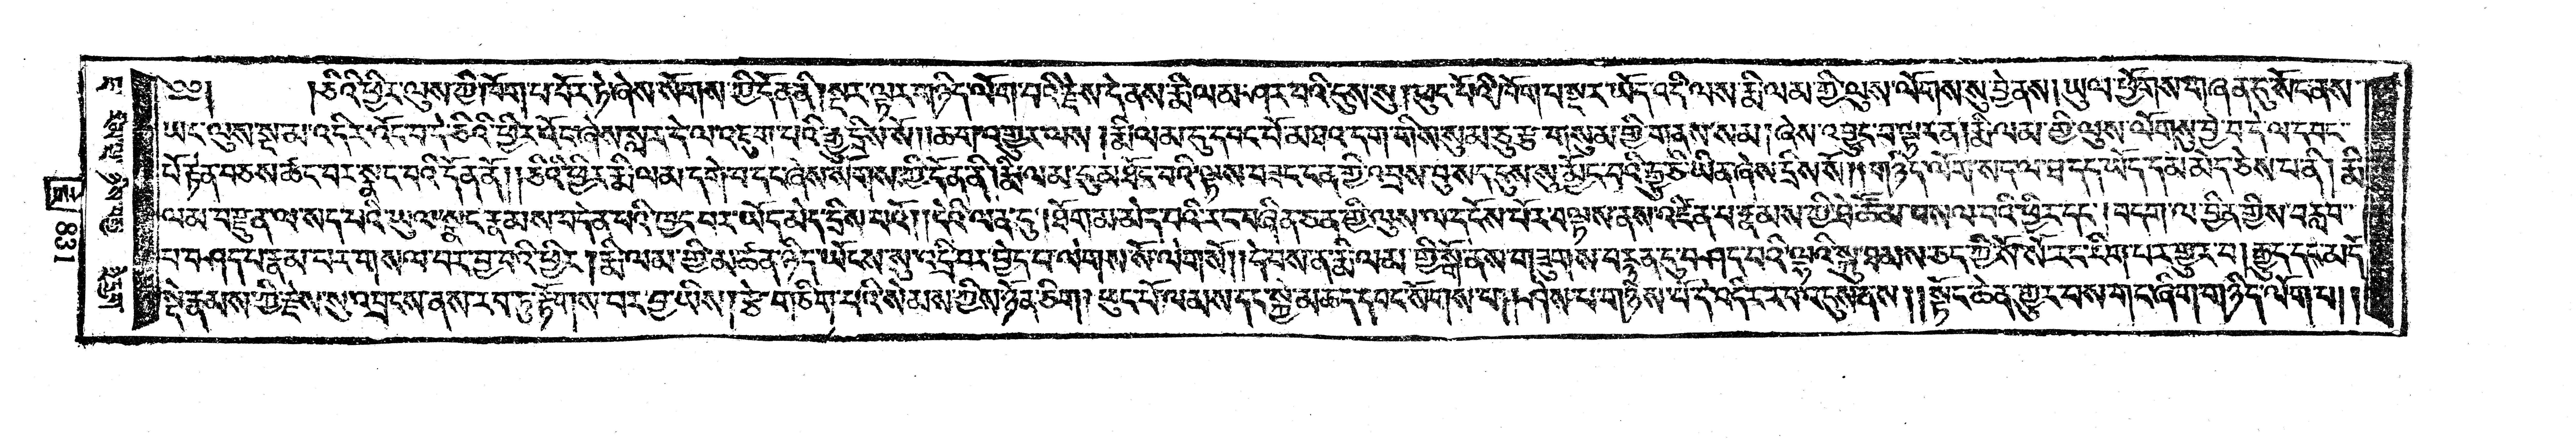༄༅། །ཅིའི་ཕྱིར་ལུས་ཀྱི་ཁོག་པ་བོར་ཏེ་ཞེས་སོགས་ཀྱི་དོན་ནི། སྔར་ལྟར་གཉིད་ལོག་པའི་རྗེས་དེ་ནས་རྨི་ལམ་ཤར་བའི་དུས་སུ། ཕུང་པོའི་ཁོག་པ་སྔར་ཡོད་འདི་ལས་རྨི་ལམ་གྱི་ལུས་ལོགས་སུ་བྱེ་ནས། ཡུལ་ཕྱོགས་གཞན་དུ་སོང་ནས་
ཡང་ལུས་སྔ་མ་འདིར་འོང་བ་དེ་ཅིའི་ཕྱིར་འོང་ཞེས་སླར་དེ་ལ་འཇུག་པའི་རྒྱུ་དྲིས་སོ། །ཆག་འགྱུར་ལས། རྨི་ལམ་དུ་དབང་པོ་མཐའ་དག་གིས་སུམ་ཅུ་རྩ་གསུམ་གྱི་གནས་སམ། ཞེས་འབྱུང་བ་ལྟར་ན། རྨི་ལམ་གྱི་ལུས་ལོགས་སུ་བྱེ་བ་དེ་ལ་དབང་
པོ་རྟེན་བཅས་ཚང་བར་སྣང་བའི་དོན་ནོ། །ཅིའི་ཕྱིར་རྨི་ལམ་དགེ་བ་དང་ཞེས་སོགས་ཀྱི་དོན་ནི། རྨི་ལམ་དུ་མཐོང་བའི་ལྟས་བཟང་ངན་གྱི་འབྲས་བུ་སད་དུས་སུ་མྱོང་བའི་རྒྱུ་ཅི་ཡིན་ཞེས་དྲིས་སོ། །གཉིད་ལོག་སད་ལ་ཐ་དད་ཡོད་དམ་མེད་ཅེས་པ་ནི། རྨི་
ལམ་བརྫུན་ལ་སད་པའི་ཡུལ་སྣང་རྣམས་བདེན་པའི་ཁྱད་པར་ཡོད་མེད་དྲིས་པའོ། །དེའི་ལན་དུ། ཐོག་མ་མེད་པའི་རང་བཞིན་ཅན་གྱི་ལུས་ལ་དངོས་པོར་བལྟས་ནས་འཛིན་པ་རྣམས་ཀྱི་ཐེ་ཚོམ་བསལ་བའི་ཕྱིར་དང་། བདག་ལ་བྱིན་གྱིས་བརླབ་
པ་བཤད་པ་རྣམ་པར་གསལ་བར་བྱ་བའི་ཕྱིར། རྨི་ལམ་གྱི་མཚན་ཉིད་ཡོངས་སུ་འདྲི་བར་བྱེད་པ་ལེགས་སོ་ལེགས་སོ། །དེ་བས་ན་རྨི་ལམ་གྱི་སྒོ་ནས་གཟུགས་བརྙན་དུ་བཤད་པའི་ལྷའི་སྐུ་ཐམས་ཅད་ཀྱི་སོ་སོ་རང་རིག་པར་གྱུར་བ། རྒྱུད་དང་མདོ་
སྡེ་རྣམས་ཀྱི་རྗེས་སུ་འབྲངས་ནས་རབ་ཏུ་རྟོགས་པར་བྱ་ཡིས། རྩེ་གཅིག་པའི་སེམས་ཀྱིས་ཉོན་ཅིག །ཕུང་པོ་ཁམས་དང་སྐྱེ་མཆད་དབང་སོགས་པ། །ཤེས་པ་གཉིས་པོ་དེ་འདིར་རབ་འདུས་ནས། །སྟོང་ཆན་གྱུར་པས་གང་ཞིག་གཉིད་ལོག་པ། །